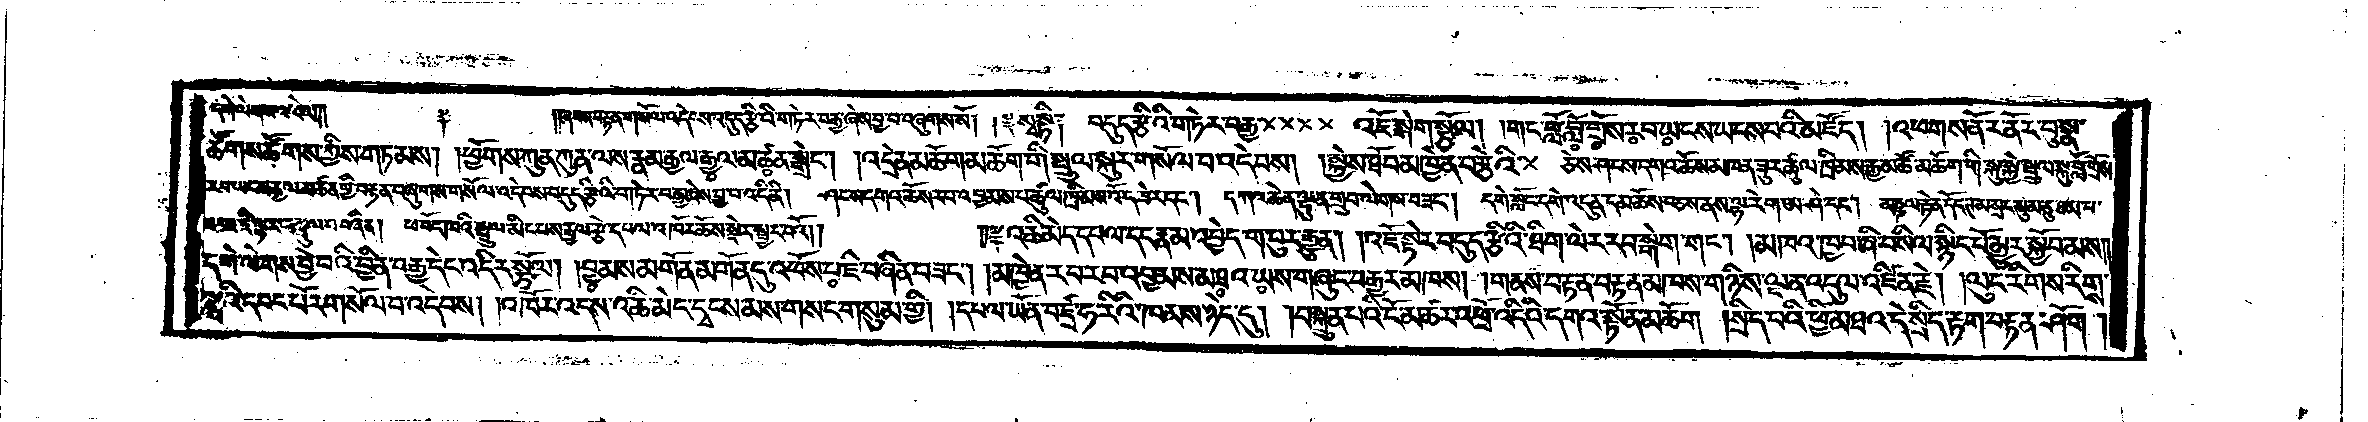དགེ་ལེགས་འཕེལ།། ༈ །།ཞབས་བརྟན་གསོལ་འདེབས་བདུད་རྩིའི་གཏེར་བརྒྱ་ཞེས་བྱ་བ་བཞུགས་སོ། ། ༈ སྭསྟི༑ བདུད་རྩིའི་གཏེར་བརྒྱ་྾྾྾་འཇོ་སྒེག་སྩོལ། །གང་བློ་བློ་གྲོས་རབ་ཡངས་ཡངས་པའི་མཛོད། །འཕགས་ནོར་ནོར་བུ་སྣ་
ཚོགས་ཚོགས་ཀྱིས་གཏམས། །ཕྱོགས་ཀུན་ཀུན་ལས་རྣམ་རྒྱལ་རྒྱལ་མཚན་སྒྲེང་། །འདྲེན་མཆོག་མཆོག་གི་སྤྲུལ་སྐུར་གསོལ་བ་འདེབས། །སྐྱེས་ཐོབ་མཁྱེན་བརྩེའི་྾་ཅེས་ཤངས་དགའ་ཆོས་མཁན་ཟུར་ཚུལ་ཁྲིམས་རྒྱ་མཚོ་མཆོག་གི་སྐུ་སྐྱེ་སྤྲུལ་སྐུ་བློ་གྲོས་
རབ་ཡངས་རྒྱལ་མཚན་གྱི་བརྟན་བཞུགས་གསོལ་འདེབས་བདུད་རྩིའི་གཏེར་བརྒྱ་ཞེས་བྱ་བ་འདི་ནི། །ཤངས་དགའ་ཆོས་རབ་འབྱམས་པ་ཚུལ་ཁྲིམས་འོད་ཟེར་དང་། དཀའ་ཆེན་ལྷུན་གྲུབ་ལེགས་བཟང་། །དགེ་སློང་དགེ་འདུན་དམ་ཆོས་བཅས་ནས་ལྷ་རེག་ཨ་ཤེ་དང་། མཎྜལ་རྟེན་དོད་ཊམ་སྲང་སུམ་ཅུ་ཐམ་པ་
བཅས་ཇི་ལྟར་བསྐུལ་བ་བཞིན། །ཕོ་བོང་ཁའི་སྤྲུལ་མིང་པས་རྒྱལ་རྩེ་དཔལ་འཁོར་ཆོས་སྔེར་སྦྱར་བའོ།། །། ༈ འཆི་མེད་དཔལ་དང་རྣམ་འབྱེད་ག་བུར་རྒྱུན། །འཇོ་སྟེར་བདུད་རྩིའི་ཐིག་ལེར་རབ་སྒེག་གང་། །མཁའ་ཁྱབ་ཞི་བསིལ་སྙིང་པོ་མྱུར་སྐྱོབ་མས།།
དགེ་ལེགས་བྱེ་བའི་བྱིན་བརྒྱ་དེང་འདིར་སྩོལ། །བྱམས་མགོན་མགོན་དུ་འཕོས་པ་ཇི་བཞིན་བཟང་། །མཁྱེན་རབ་རབ་འབྱམས་མཐའ་ཡས་གཞུང་བརྒྱར་མཁས། །གནས་བརྟན་བརྟན་མཁས་གཉིས་ལྡན་འཇུལ་འཛིན་རྗེ། །ལུང་རིགས་རིགས་
སྨྲའི་དབང་པོར་གསོལ་བ་འདེབས། །འཁོར་འདས་འཆི་མེད་དྭངས་མས་གསང་གསུམ་གྱི། །དཔལ་ཡོན་བཛྲ་ཧ་རིའི་ཁམས་ཉིད་དུ། །བསྐྲུན་པའི་ངོ་མཚར་འགྲོ་འདིའི་དགའ་སྟོན་མཆོག །སྲིད་པའི་ཕྱི་མཐའ་དེ་སྲིད་རྟག་བརྟན་ཤོག །